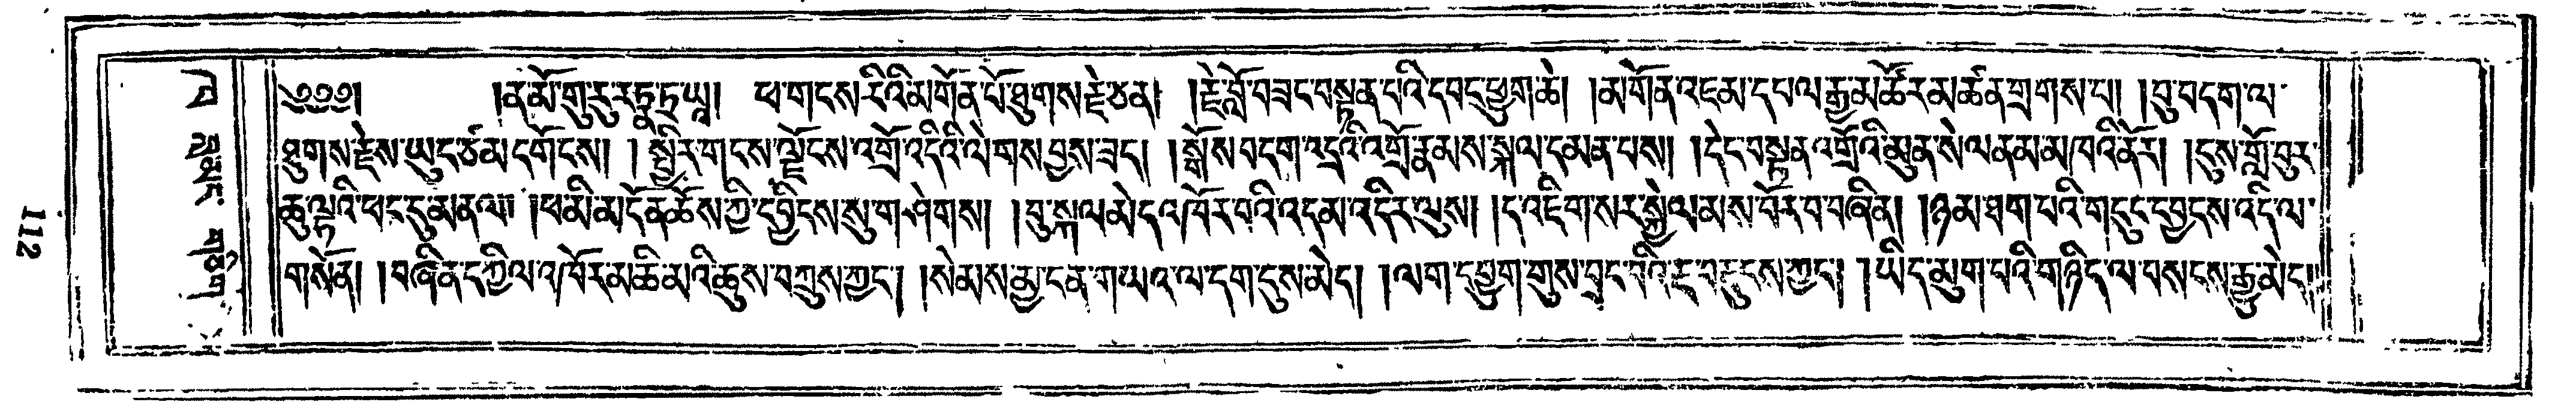༄༅༅། །ན་མོ་གུ་རུ་རཏྣ་ཏྲ་ཡཱ། ཕ་གངས་རིའི་མགོན་པོ་ཐུགས་རྗེ་ཅན། །རྗེ་བློ་བཟང་བསྟན་པའི་དབང་ཕྱུག་ཆེ། །མགོན་འཇམ་དཔལ་རྒྱ་མཚོར་མཚན་གྲགས་པ། །བུ་བདག་ལ་
ཐུགས་རྗེས་ཡུང་ཙམ་དགོངས། །སྤྱིར་གངས་ལྗོངས་འགྲོ་འདིའི་ལེགས་བྱས་ཟད། །སྒོས་བདག་འདྲའི་འགྲོ་རྣམས་སྐལ་དམན་པས། །དེང་བསྟན་འགྲོའི་མུན་སེལ་ནམ་མཁའི་ནོར། །དུས་གློ་བུར་
ཆུ་ལྷའི་ཕང་དུ་མནལ། །ཕ་མི་མདོན་ཆོས་ཀྱི་དབྱིངས་སུ་གཤེགས། །བུ་སྐལ་མེད་འཁོར་བའི་འདམ་འདིར་ལུས། །ད་འཇིག་སར་སྐྱེལ་མས་བོར་བ་བཞིན། །ཉམ་ཐག་པའི་གདུང་དབྱངས་འདི་ལ་
གསོན། །བཞིན་དཀྱིལ་འཁོར་མཆི་མའི་ཆུས་བཀྲུས་ཀྱང་། །སེམས་མྱ་ངན་གཡཱ་ལ་དག་དུས་མེད། །ལག་དབྱུག་གུས་བྲང་བའི་རྔ་བརྡུངས་ཀྱང་། །ཡིད་མུག་པའི་གཉིད་ལ་བསངས་རྒྱུ་མེད།